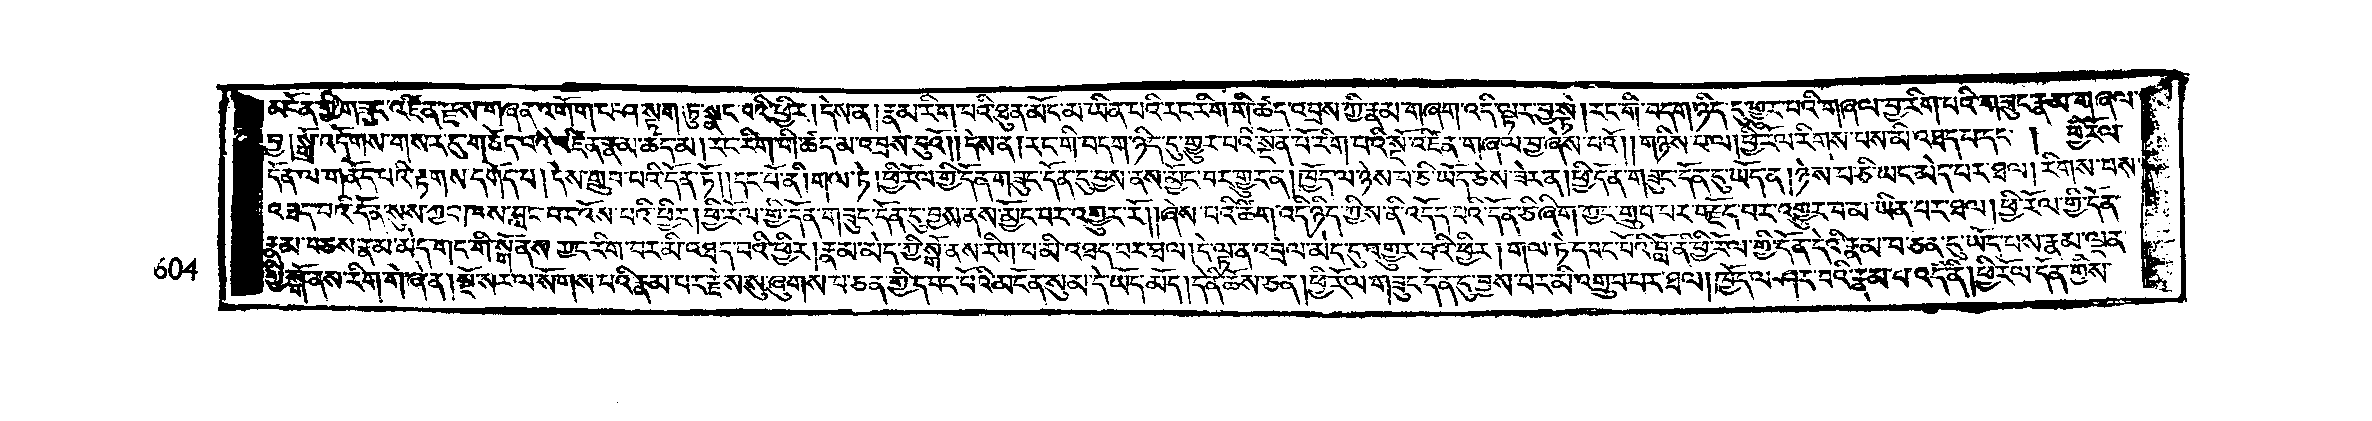མངོན་གྱི་གཟུང་འཛིན་རྫས་གཞན་འགོག་པ་ཤ་སྟག་ཏུ་སྣང་བའི་ཕྱིར། དེས་ན། རྣམ་རིག་པའི་ཐུན་མོང་མ་ཡིན་པའི་རང་རིག་གི་ཚད་འབྲས་ཀྱི་རྣམ་གཞག་འདི་ལྟར་བྱ་སྟེ། རང་གི་བདག་ཉིད་དུ་གྱུར་པའི་གཞལ་བྱ་རིག་པའི་གཟུང་རྣམ་གཞལ་
བྱ། སྒྲོ་འདོགས་གསར་དུ་གཅོད་པའི་འཛིན་རྣམ་ཚད་མ། རང་རིག་གི་ཚད་མ་འབྲས་བུའོ། །དེས་ན། རང་གི་བདག་ཉིད་དུ་གྱུར་པའི་སྔོན་པོ་རིག་པའི་སྔོ་འཛིན་གཞལ་བྱ་ཞེས་པའོ། །གཉིས་པ་ལ། ཕྱི་རོལ་རིགས་པས་མི་འཐད་པ་དང་། ཕྱི་རོལ་
དོན་ལ་གནོད་པའི་རྟགས་དགོད་པ་། དེས་གྲུབ་པའི་དོན་ཏོ། །དང་པོ་ནི། གལ་ཏེ། ཕྱི་རོལ་གྱི་དོན་གཟུང་དོན་དུ་བྱས་ནས་མྱོང་བར་གྱུར་ན། ཁྱོད་ལ་ཉེས་པ་ཅི་ཡོད་ཅེ་ས་ཟེར་ན། ཕྱི་དོན་གཟུང་དོན་དུ་ཡོད་ན། ཉེས་པ་ཅི་ཡང་མེད་པར་ཐལ། རིགས་པས་
འཐད་པའི་དོན་སུས་ཀྱང་ཁས་བླང་བར་འོས་པའི་ཕྱིར། ཕྱི་རོལ་གྱི་དོན་གཟུང་དོན་དུ་བྱས་ནས་མྱོང་བར་འགྱུར་རོ། །ཞེས་པའི་ཚིག་འདི་ཉིད་ཀྱིས་ནི་འདོད་པའི་དོན་ཅི་ཞིག་ཀྱང་གྲུབ་པར་བརྗོད་པར་འགྱུར་བ་མ་ཡིན་པར་ཐལ། ཕྱི་རོལ་གྱི་དོན་
རྣམ་བཅས་རྣམ་མེད་གང་གི་སྒོ་ནས་ཀྱང་རིག་པར་མི་འཐད་པའི་ཕྱིར། རྣམ་མེད་ཀྱི་སྒོ་ནས་རིག་པ་མི་འཐད་པར་ཐལ། དེ་ལྟ་ན་འབྲེལ་མེད་དུ་འགྱུར་བའི་ཕྱིར། གལ་ཏེ་དབང་པོའི་བློ་ནི་ཕྱི་རོལ་གྱི་དོན་དེའི་རྣམ་པ་ཅན་དུ་ཡོད་པས་རྣམ་ལྡན་
གྱི་སྒོ་ནས་རིག་གི་ཞེ་ན། སྔོ་སར་ལ་སོགས་པའི་རྣམ་པར་རྗེས་སུ་ཞུགས་པ་ཅན་གྱི་དབང་པོའི་མངོན་སུམ་དེ་ཡོད་མོད། དེ་ནི་ཆོས་ཅན། ཕྱི་རོལ་གཟུང་དོན་དུ་བྱས་པར་མི་འགྲུབ་པར་ཐལ། ཁྱོད་ལ་ཤར་བའི་རྣམ་པ་འདི་ནི། ཕྱི་རོལ་དོན་གྱིས་